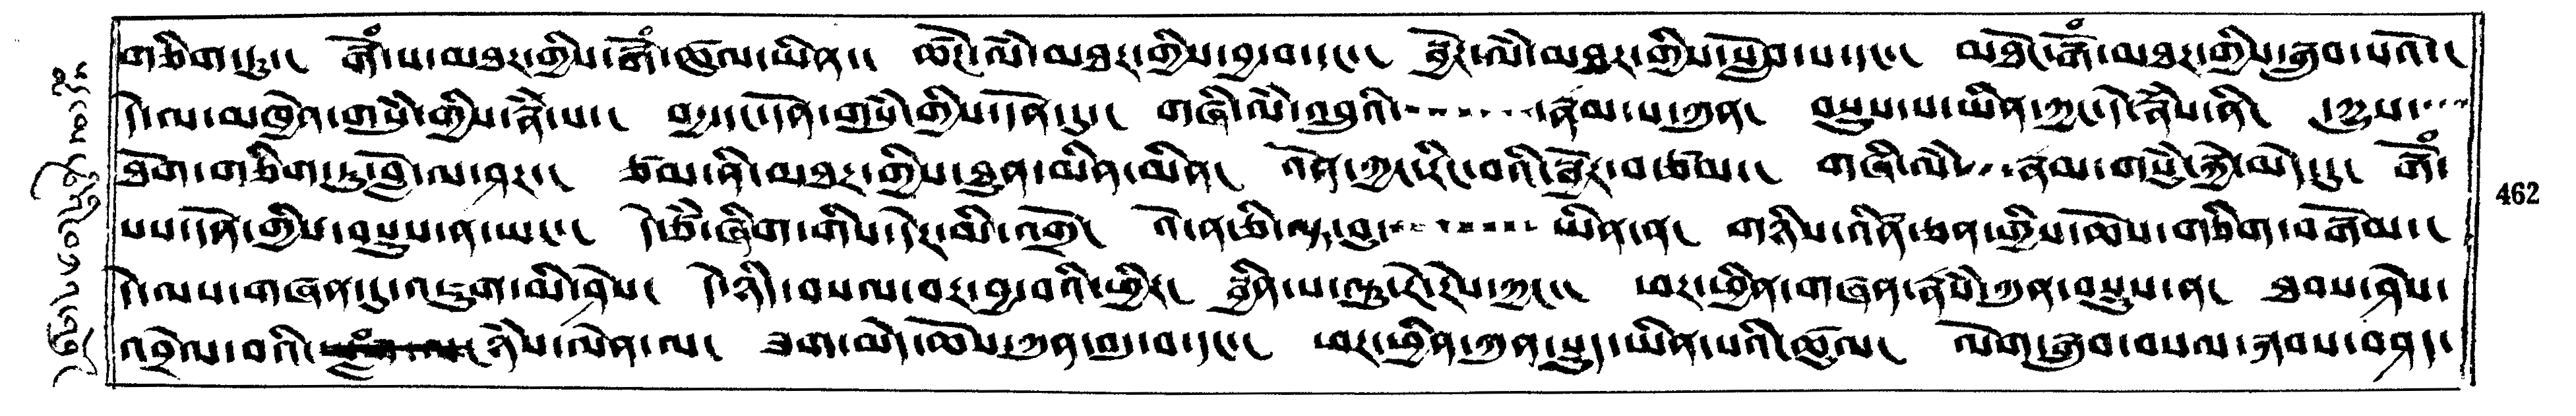གཅིག་ཏུ། །སྒོམ་པ་མཐར་གྱིས་སྒོམ་ཚུལ་ཡིན། །ཚོགས་ལམ་མཐར་གྱིས་བྱ་བ་དང་། །སྦྱོར་ལམ་མཐར་གྱིས་སློབ་པ་དང་། །མཐོང་སྒོམ་མཐར་གྱིས་སྒྲུབ་པའོ། །
དེ་ལ་མཁྱེན་གསུམ་གྱིས་རྣམ་པ། །བརྒྱ་དང་དོན་གསུམ་གྱིས་དོན་དུ། །གཞི་ལམ་འབྲས་བུའི་རྣམ་པ་ཀུན། །བསྡུས་པ་ཡིན་ཡང་དེ་རྣམས་ནི། །དཀྱུས་
ཐོག་གཅིག་ཏུ་བློ་ལ་ཤར། །ཙམ་ནི་མཐར་གྱིས་ཐུན་མིན་མིན། །འོན་ཀྱང་རིང་བའི་སྦྱོར་བ་ཙམ། །གཞི་ལམ་རྣམ་གསུམ་སྐྱེ་མེད་དུ། །སྒོམ་
པས་དོན་གྱིས་བསྡུས་ན་ཡང་། །དེ་ཙམ་ཞིག་གིས་དེར་མི་འགྲོ། །འོ་ན་ཅི་ལྟ་བུ་ཡིན་ན། །གཉིས་འཛིན་ཅན་གྱིས་ཆོས་གཅིག་བསྒོམ། །
དེ་ལས་གཞན་དུ་འཇུག་མི་ཤེས། །དེ་ཉིད་བསལ་བར་བྱ་བའི་ཕྱིར། །སྦྱིན་པ་ལྟ་བུ་རེ་རེས་ཀྱང་། །ཕར་ཕྱིན་གཞན་རྣམས་ཀུན་བསྡུས་ན། །ཐབས་ཤེས་
འབྲེལ་བའི་ཉམས་ལེན་ལ། །ཟག་མེད་ཆོས་ཀུན་འདུ་བ་དང་། །ཕར་ཕྱིན་ཀུན་སྡུད་ཡིན་པའི་ཚུལ། །ལོག་སྒྲུབ་བསལ་སྐབས་བཤད་